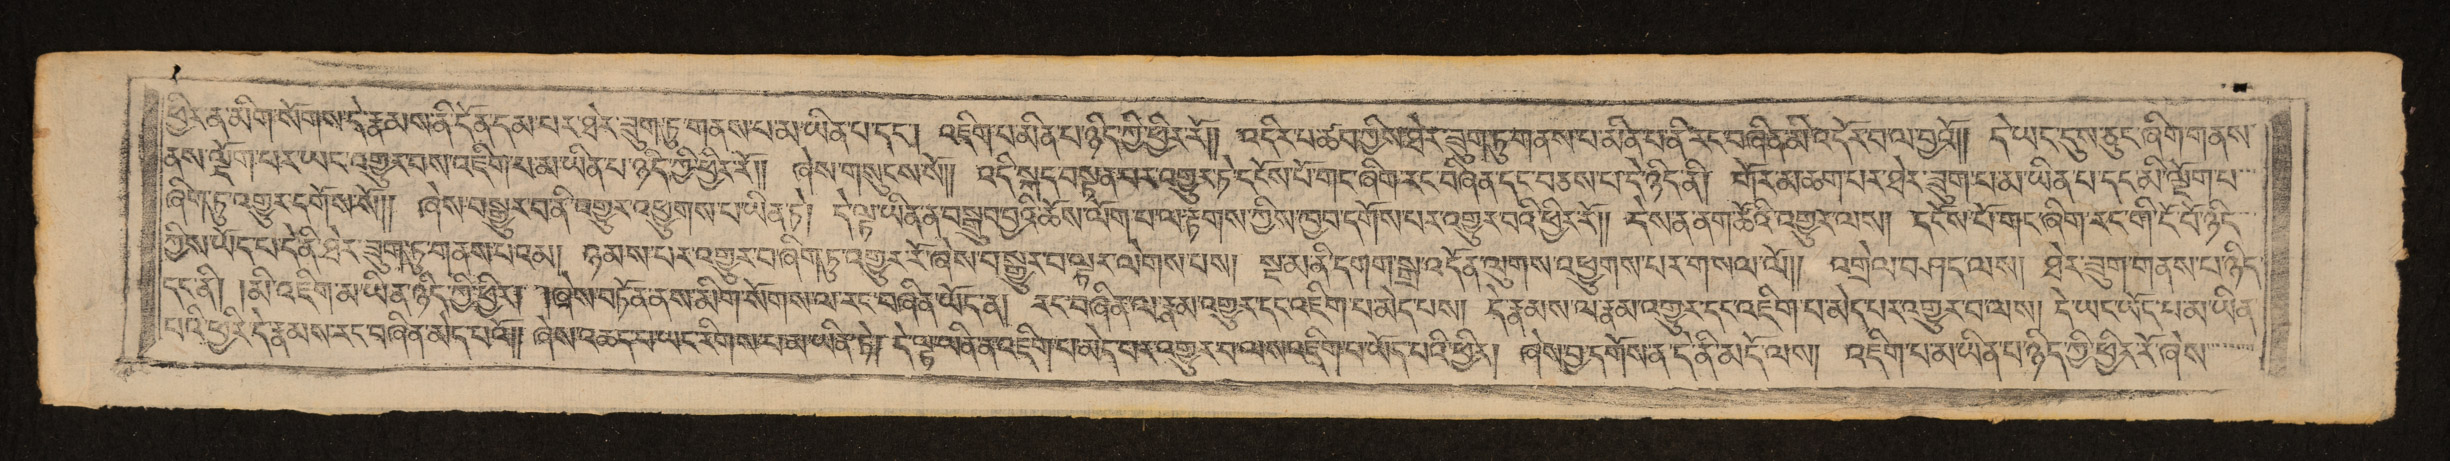ཕྱིར་ན་མིག་སོགས་དེ་རྣམས་ནི་དོན་དམ་པར་ཐེར་ཟུག་ཏུ་གནས་པ་མ་ཡིན་པ་དང་། འཇིག་པ་མིན་པ་ཉིད་ཀྱི་ཕྱིར་རོ།། འདིར་པ་ཚབ་ཀྱིས་ཐེར་ཟུག་ཏུ་གནས་པ་མིན་པ་ནི་རང་བཞིན་མི་འདོར་བ་ལ་བྱའོ།། དེ་ཡང་དུས་ཅུང་ཞིག་གནས་
ནས་ལྡོག་པར་ཡང་འགྱུར་བས་འཇིག་པ་མ་ཡིན་པ་ཉིད་ཀྱི་ཕྱིར་རོ།། ཞེས་གསུངས་སོ།། འདི་སྐད་བསྟན་པར་འགྱུར་ཏེ་དངོས་པོ་གང་ཞིག་རང་བཞིན་དང་བཅས་པ་དེ་ཉིད་ནི། གོར་མ་ཆག་པར་ཐེར་ཟུག་པ་མ་ཡིན་པ་དང་མི་ལྡོག་པ་
ཞིག་ཏུ་འགྱུར་དགོས་སོ།། ཞེས་བསྒྱུར་བ་ནི་འགྱུར་འཕྱུགས་པ་ཡིན་ཏེ། དེ་ལྟ་ཡིན་ན་བསྒྲུབ་བྱའི་ཆོས་ལོག་པ་ལ་རྟགས་ཀྱིས་ཁྱབ་དགོས་པར་འགྱུར་བའི་ཕྱིར་རོ།། དེས་ན་ནག་ཚོའི་འགྱུར་ལས། དངོས་པོ་གང་ཞིག་རང་གི་ངོ་བོ་ཉིད་
ཀྱིས་ཡོད་པ་དེ་ནི་ཐེར་ཟུག་ཏུ་གནས་པའམ། ཉམས་པར་འགྱུར་བ་ཞིག་ཏུ་འགྱུར་རོ་ཞེས་བསྒྱུར་བ་ལྟར་ལེགས་པས། སྔ་མ་ནི་དགག་སྒྲ་འདོན་ལུགས་འཕྱུགས་པར་གསལ་ལོ།། འགྲེལ་བཤད་ལས། ཐེར་ཟུག་གནས་པ་ཉིད་
དང་ནི། །མི་འཇིག་མ་ཡིན་ཉིད་ཀྱི་ཕྱིར། །ཞེས་བཏོན་ནས་མིག་སོགས་ལ་རང་བཞིན་ཡོད་ན། རང་བཞིན་ལ་རྣམ་འགྱུར་དང་འཇིག་པ་མེད་པས། དེ་རྣམས་ལ་རྣམ་འགྱུར་དང་འཇིག་པ་མེད་པར་འགྱུར་བ་ལས། དེ་ཡང་ཡོད་པ་མ་ཡིན་
པའི་ཕྱིར་དེ་རྣམས་རང་བཞིན་མེད་པའོ།། ཞེས་འཆད་པ་ཡང་རིགས་པ་མ་ཡིན་ཏེ། དེ་ལྟ་ཡིན་ན་འཇིག་པ་མེད་པར་འགྱུར་བ་ལས་འཇིག་པ་ཡོད་པའི་ཕྱིར། ཞེས་བྱ་དགོས་ན་དེ་ནི་མདོ་ལས། འཇིག་པ་མ་ཡིན་པ་ཉིད་ཀྱི་ཕྱིར་རོ་ཞེས་